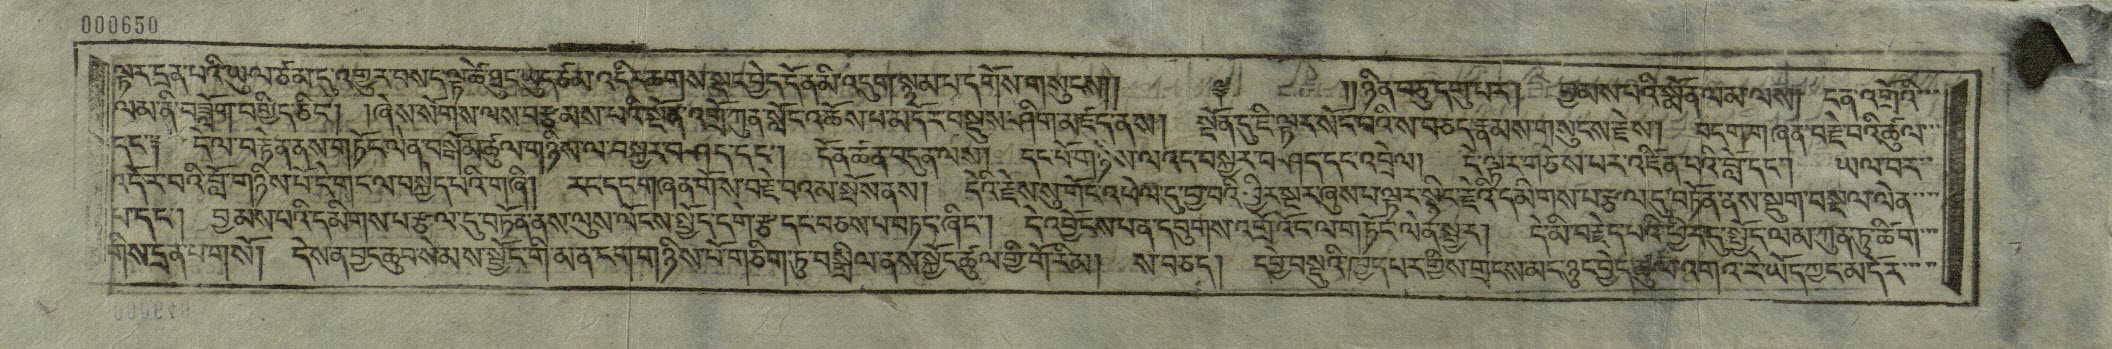ལྟར་དྲན་པའི་ཡུལ་ཙམ་དུ་འགྱུར་བས་ད་ལྟ་ཚེ་ཐུང་ཡུད་ཙམ་འདིར་ཆགས་སྡང་བྱེད་དོན་མི་འདུག་སྙམ་པ་དགོས་གསུངས།། ༈ །།ཉིན་བཅུ་དགུ་པར། བྱམས་པའི་སྨོན་ལམ་ལས། ངན་འགྲོའི་
ལམ་ནི་བཟློག་བགྱིད་ཅིང་། །ཞེས་སོགས་ལས་བརྩམས་པའི་སྔོན་འགྲོ་ཀུན་སློང་འཆོས་པ་མདོར་བསྡུས་ཤིག་མཛད་ནས། སྔོན་དུ་ཇི་ལྟར་སོང་བའི་ས་བཅད་རྣམས་གསུངས་རྗེས། བདག་གཞན་བརྗེ་བའི་ཚུལ་
དང༑ དེ་ལ་བརྟེན་ནས་གཏོང་ལེན་བསྒོམ་ཚུལ་གཉིས་ལ་བསྐྱར་བཤད་དང་། དོན་ཚན་བདུན་ལས། དང་པོ་གཉིས་ལའང་བསྐྱར་བཤད་དང་འབྲེལ། དེ་ལྟར་གཅེས་པར་འཛིན་པའི་བློ་དང་། ཡལ་བར་
འདོར་བའི་བློ་གཉིས་པོ་དེ་གང་ལ་བསྐྱེད་པའི་གཞི། རང་དང་གཞན་གོ་ས་བརྗེ་བའམ་སྤོས་ནས། དེའི་རྗེས་སུ་གོང་འཕེལ་དུ་བྱ་བའི་ཕྱིར་སྔར་ཞུས་པ་ལྟར་སྙིང་རྗེའི་དམིགས་པ་རྩལ་དུ་བཏོན་ནས་སྡུག་བསྔལ་ལེན་
པ་དང་། བྱམས་པའི་དམིགས་པ་རྩལ་དུ་བཏོན་ནས་ལུས་ལོངས་སྤྱོད་དགེ་རྩ་དང་བཅས་པ་བཏང་ཞིང་། དེ་འབྱོངས་པ་ན་དབུགས་འགྲོ་འོང་ལ་གཏོང་ལེན་སྦྱར། དེ་མི་བརྗེད་པའི་ཕྱིར་དུ་སྤྱོད་ལམ་ཀུན་ཏུ་ཚིག་
གིས་དྲན་པ་གསོ། དེས་ན་བྱང་ཆུབ་སེམས་སྦྱོང་གི་མན་ངག་གཉིས་པོ་གཅིག་ཏུ་བསྒྲིལ་ནས་སྐྱོང་ཚུལ་གྱི་གོ་རིམ། ས་བཅད། དབྱེ་བསྡུའི་ཁྱད་པར་གྱིས་གྲངས་མང་ཉུང་བྱེད་ཚུལ་འགའ་རེ་ཡོད་ཀྱང་མདོར་